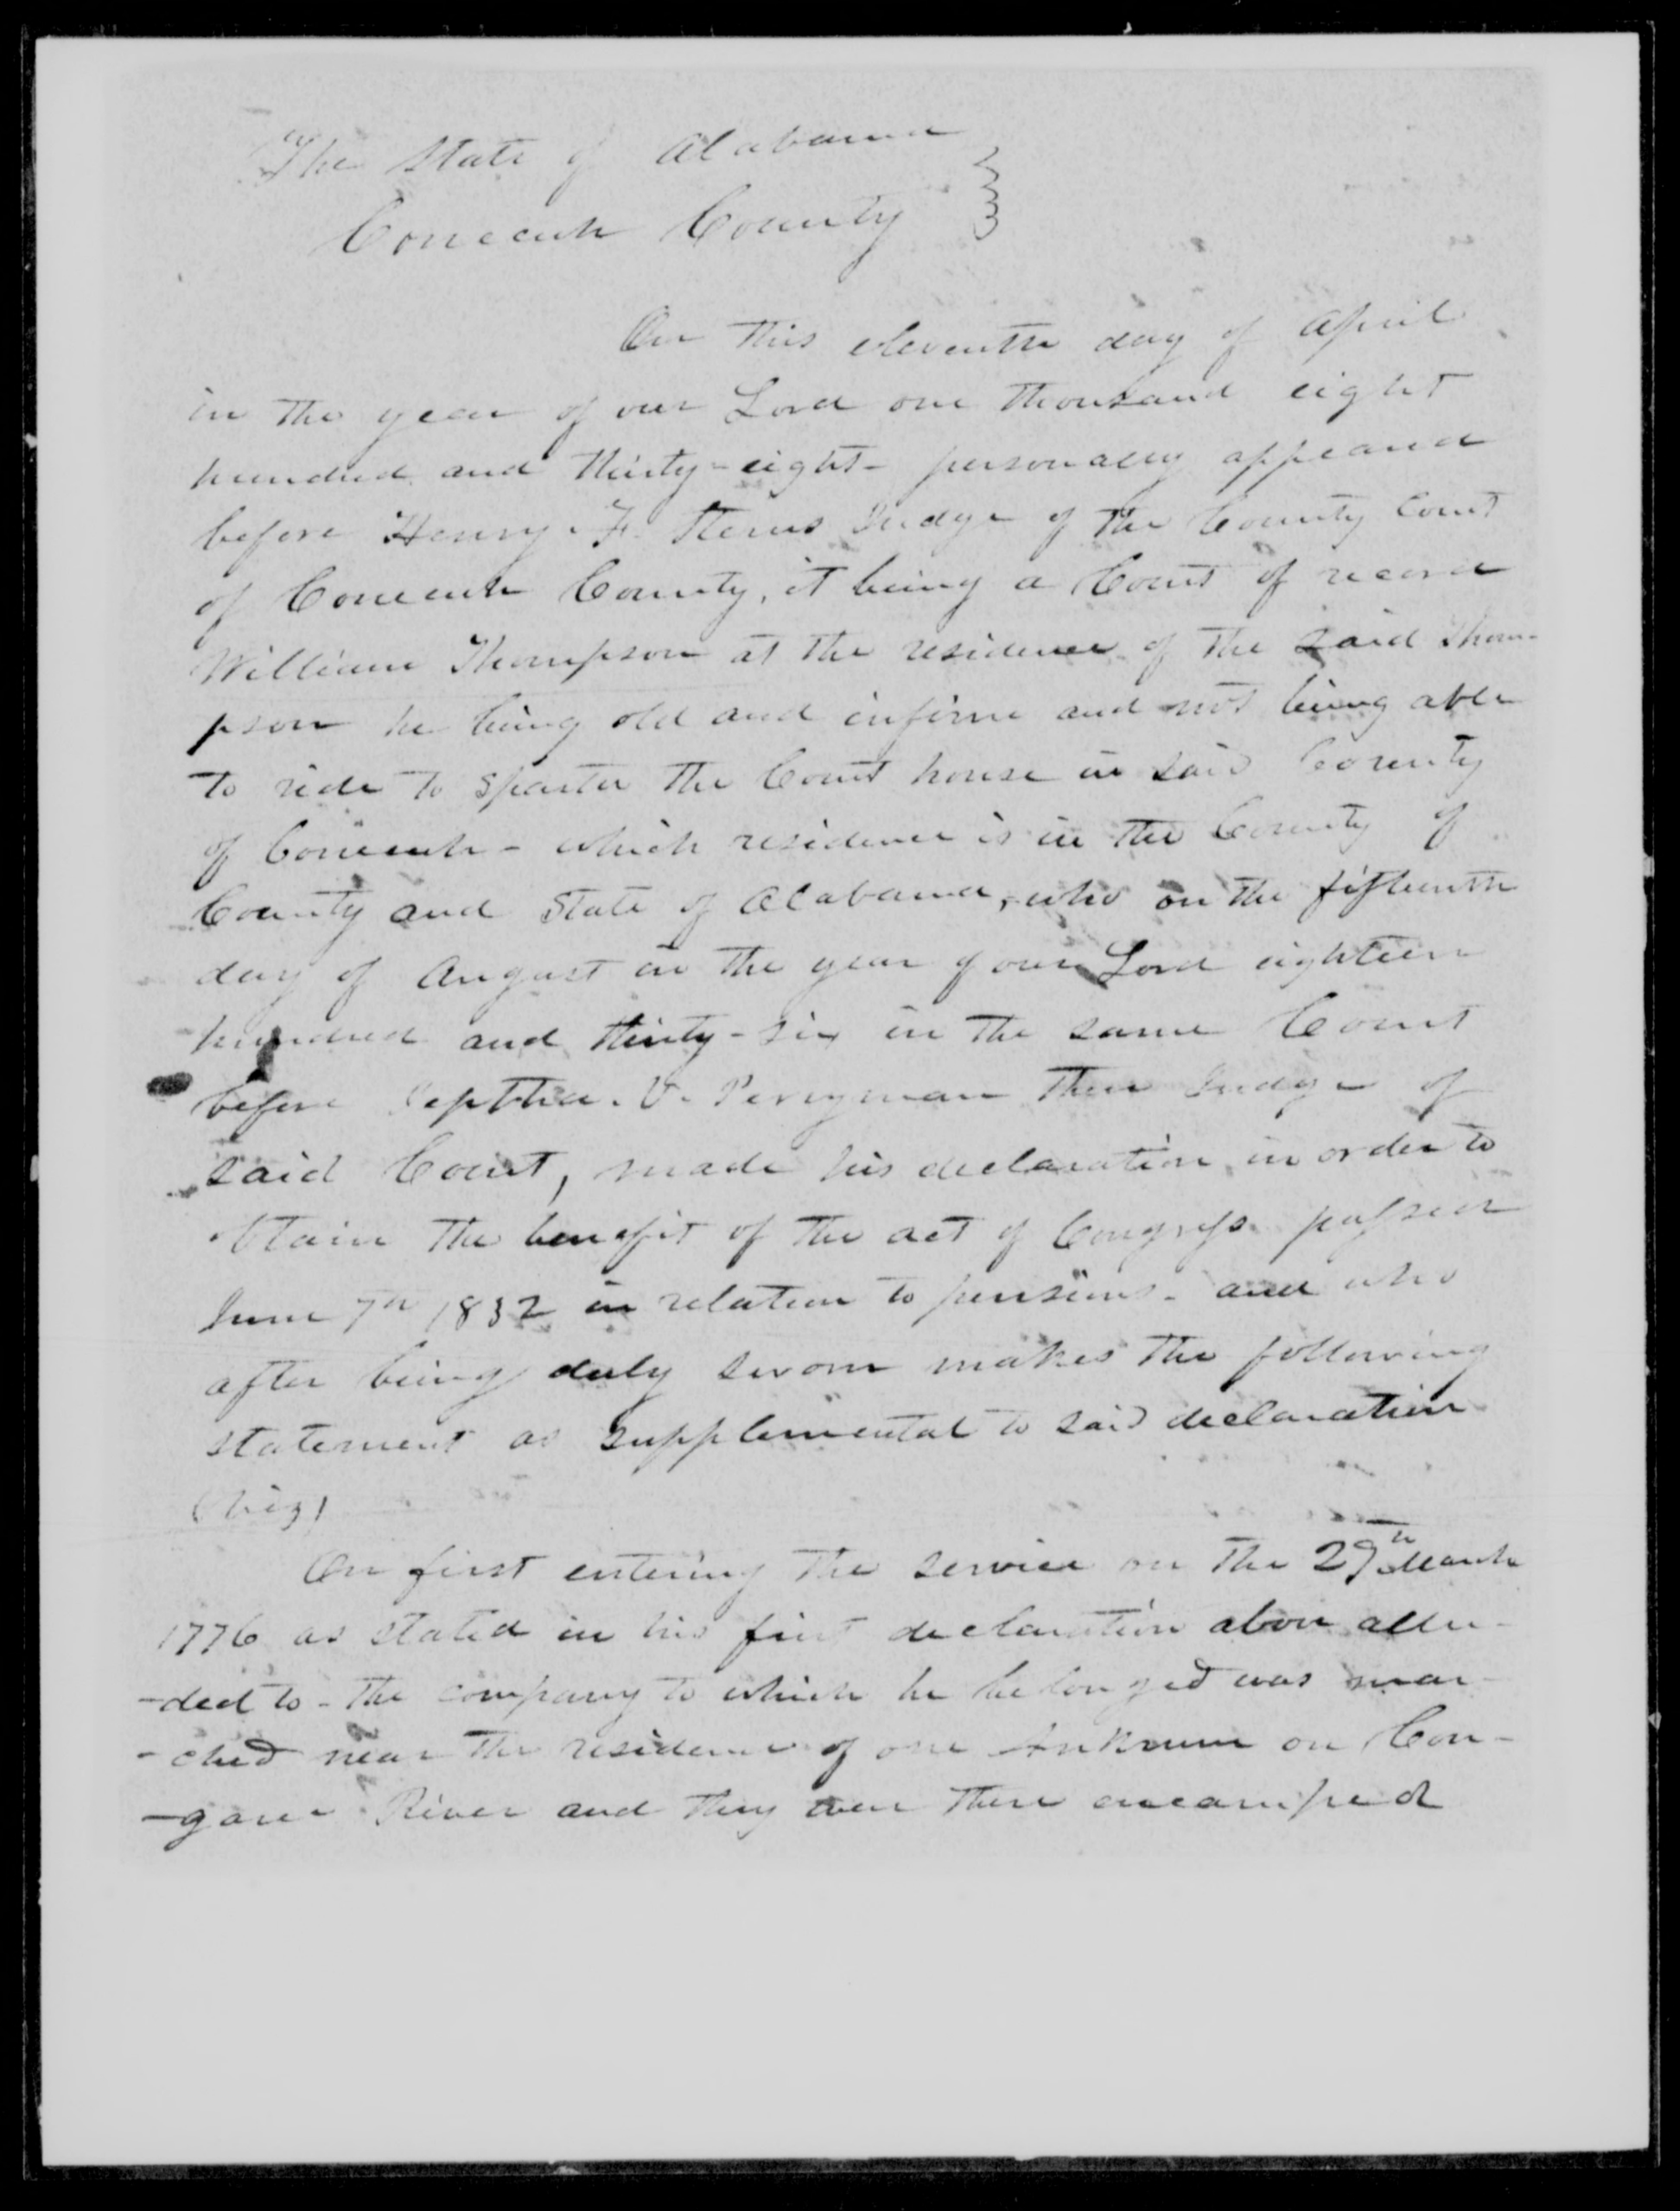The State of Alabama
Conecuh County
On this eleventh day of April
in the year of our Lord one thousand eight
hundred and thirty eight personally appeared
before Henry F Stenus Judge of the County Court of Conecuh County, it being a Court of record William Thompson at the residence of the said Thompson he being old and infirm and not being able to ride to Sparta the Court house in said County of Conecuh-- which residence is in the County of County and State of Alabama, who on the fifteenth day of August in the year of our Lord eighteen
hundred and thirty-six in the same Court
before Septha V. Perryman their Judge of
said Court, made his declaration in order to
obtain the benefit of the act of Congress passed June 7th 1832, in relation to pensions and who after being duly sworn makes the following statement as Supplemental to said declaration (Viz)

On first entering the service on the 29th March 1776 as stated in his first declaration above alluded to-- the company to which he belonged was marched near the residence of one [illegible]on Congaree River and they then there encamped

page: 2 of 16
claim: rejected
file: R. 10561, for William Thompson, South Carolina